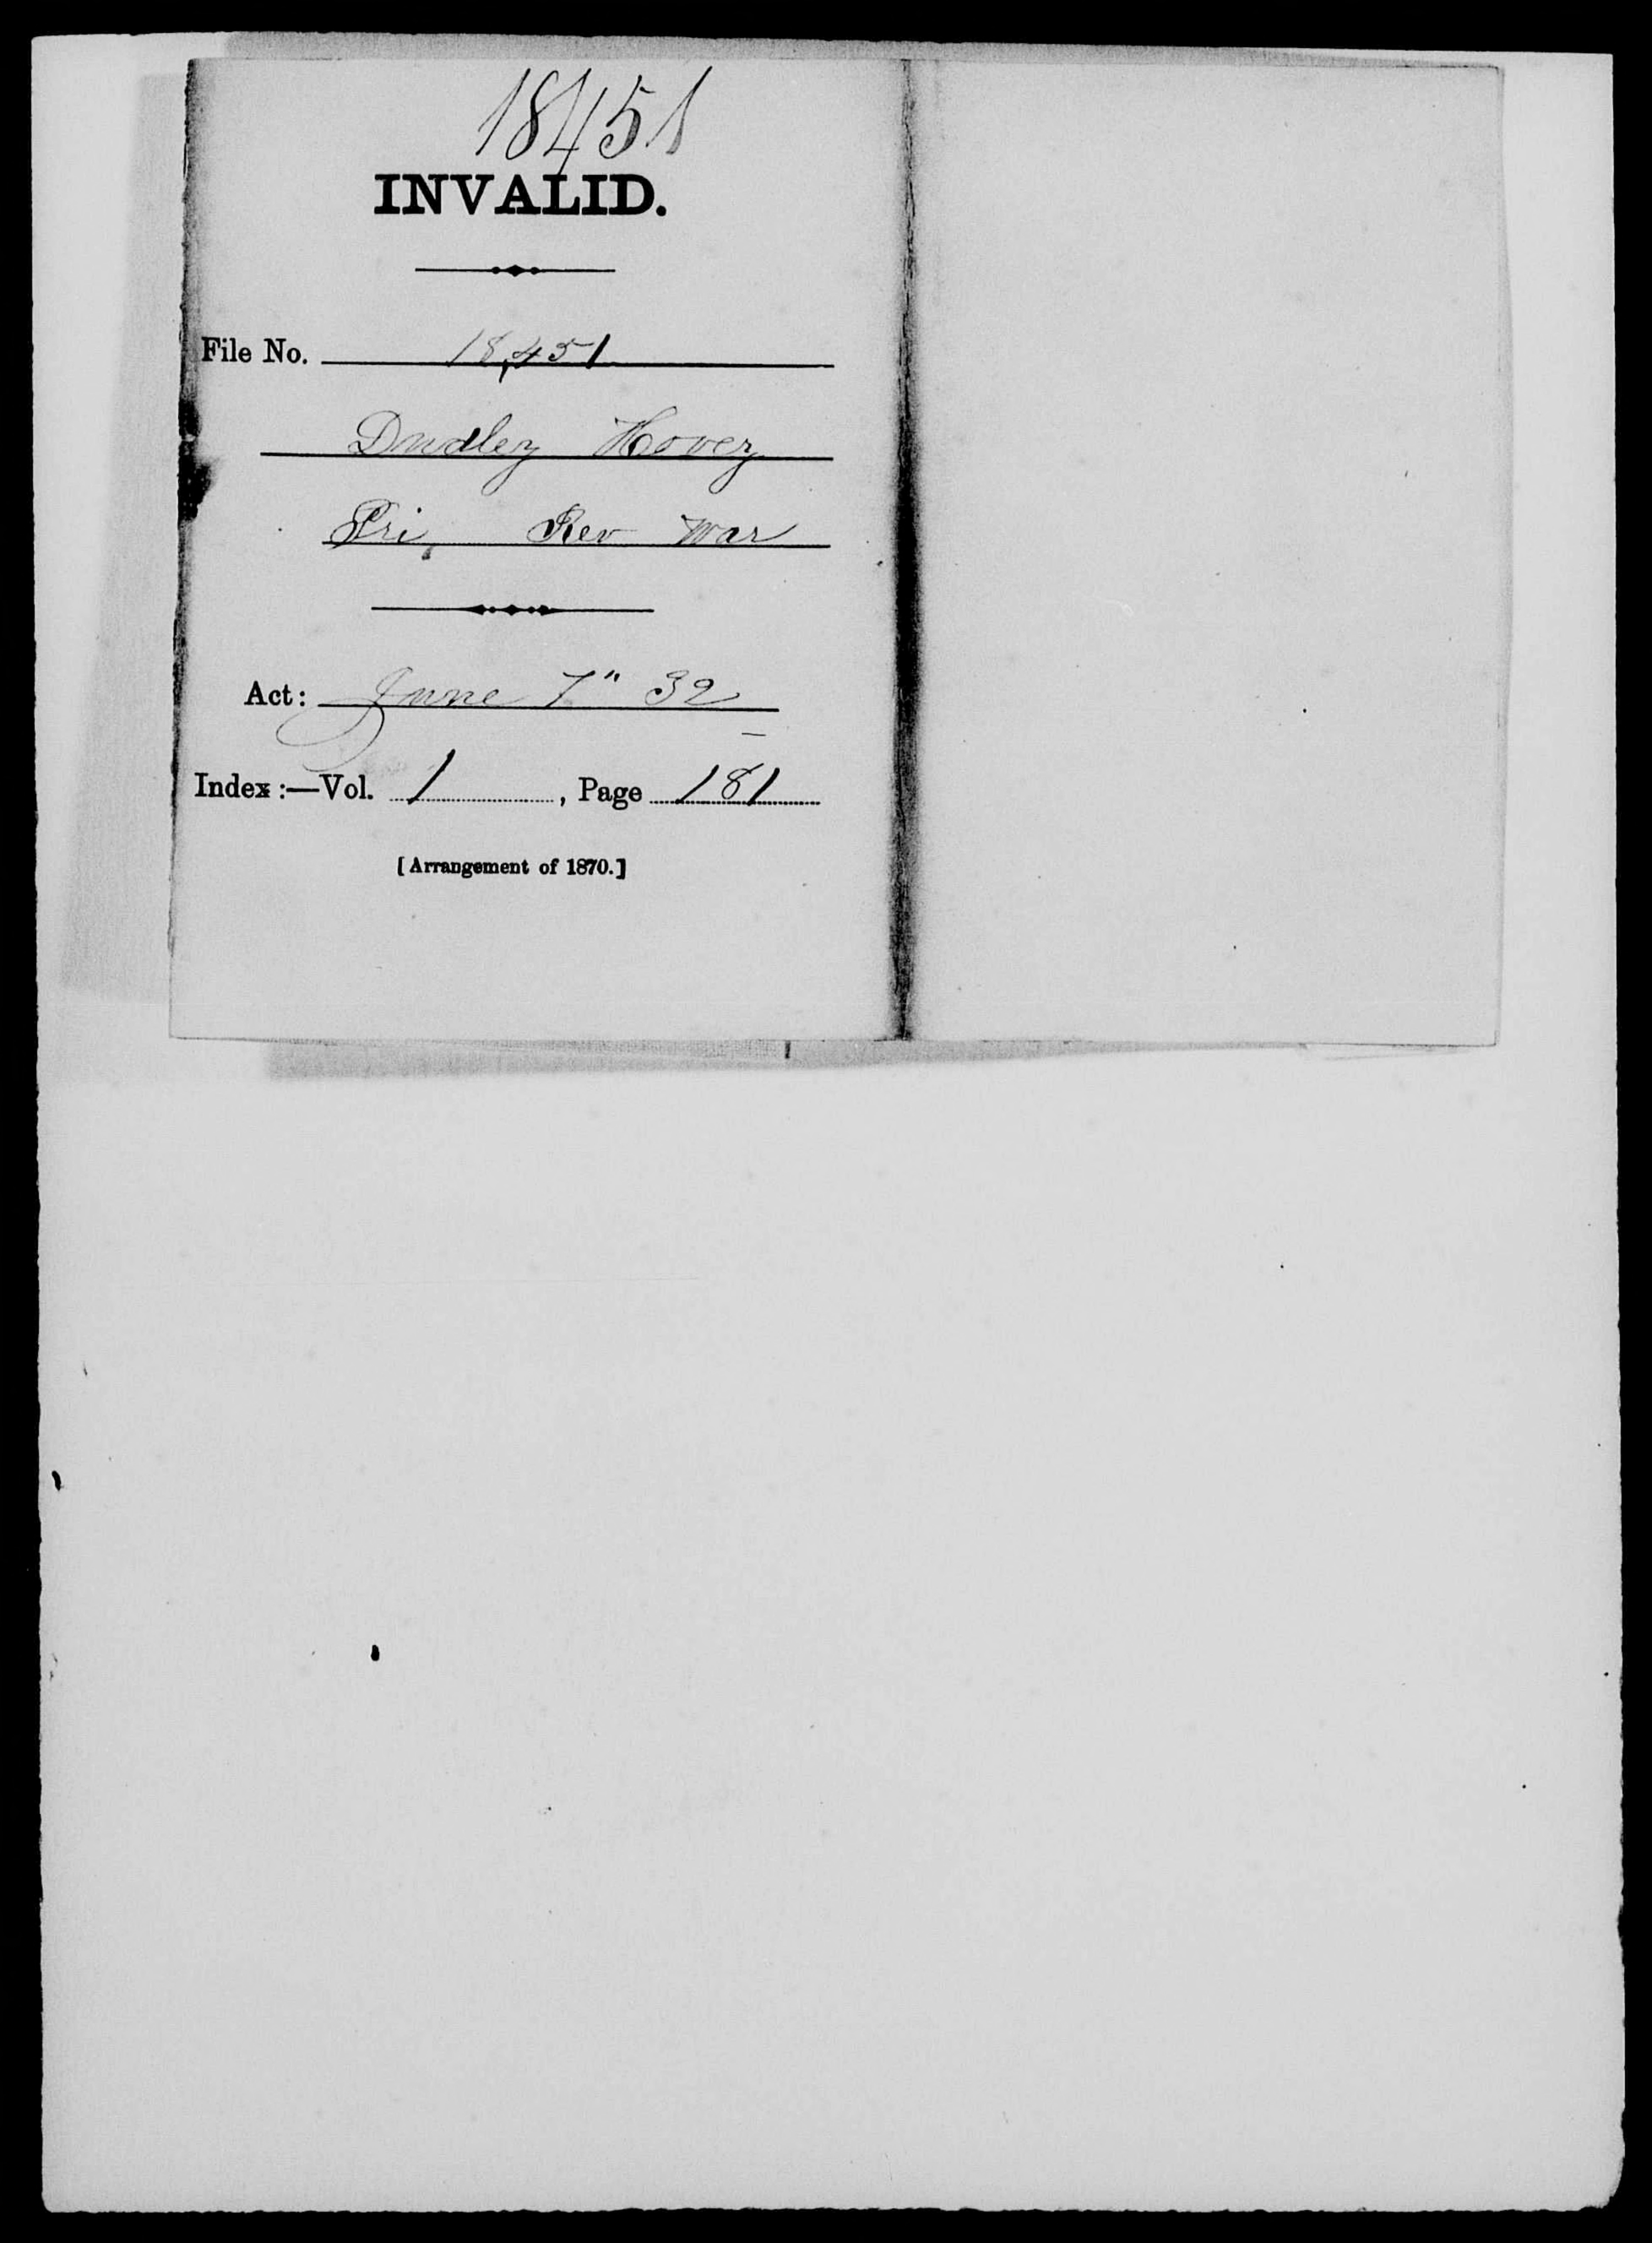18451 Invalid 
18451 
Dudley Hovey 
Pri Rev war 
Act: June 7th 32
Index:- Vol 1 Page 181
[Arrangement of 1870.]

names: Dudley Hovey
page: 10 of 13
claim: survivor's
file: S. 18451, Dudley Hovey, Conn.